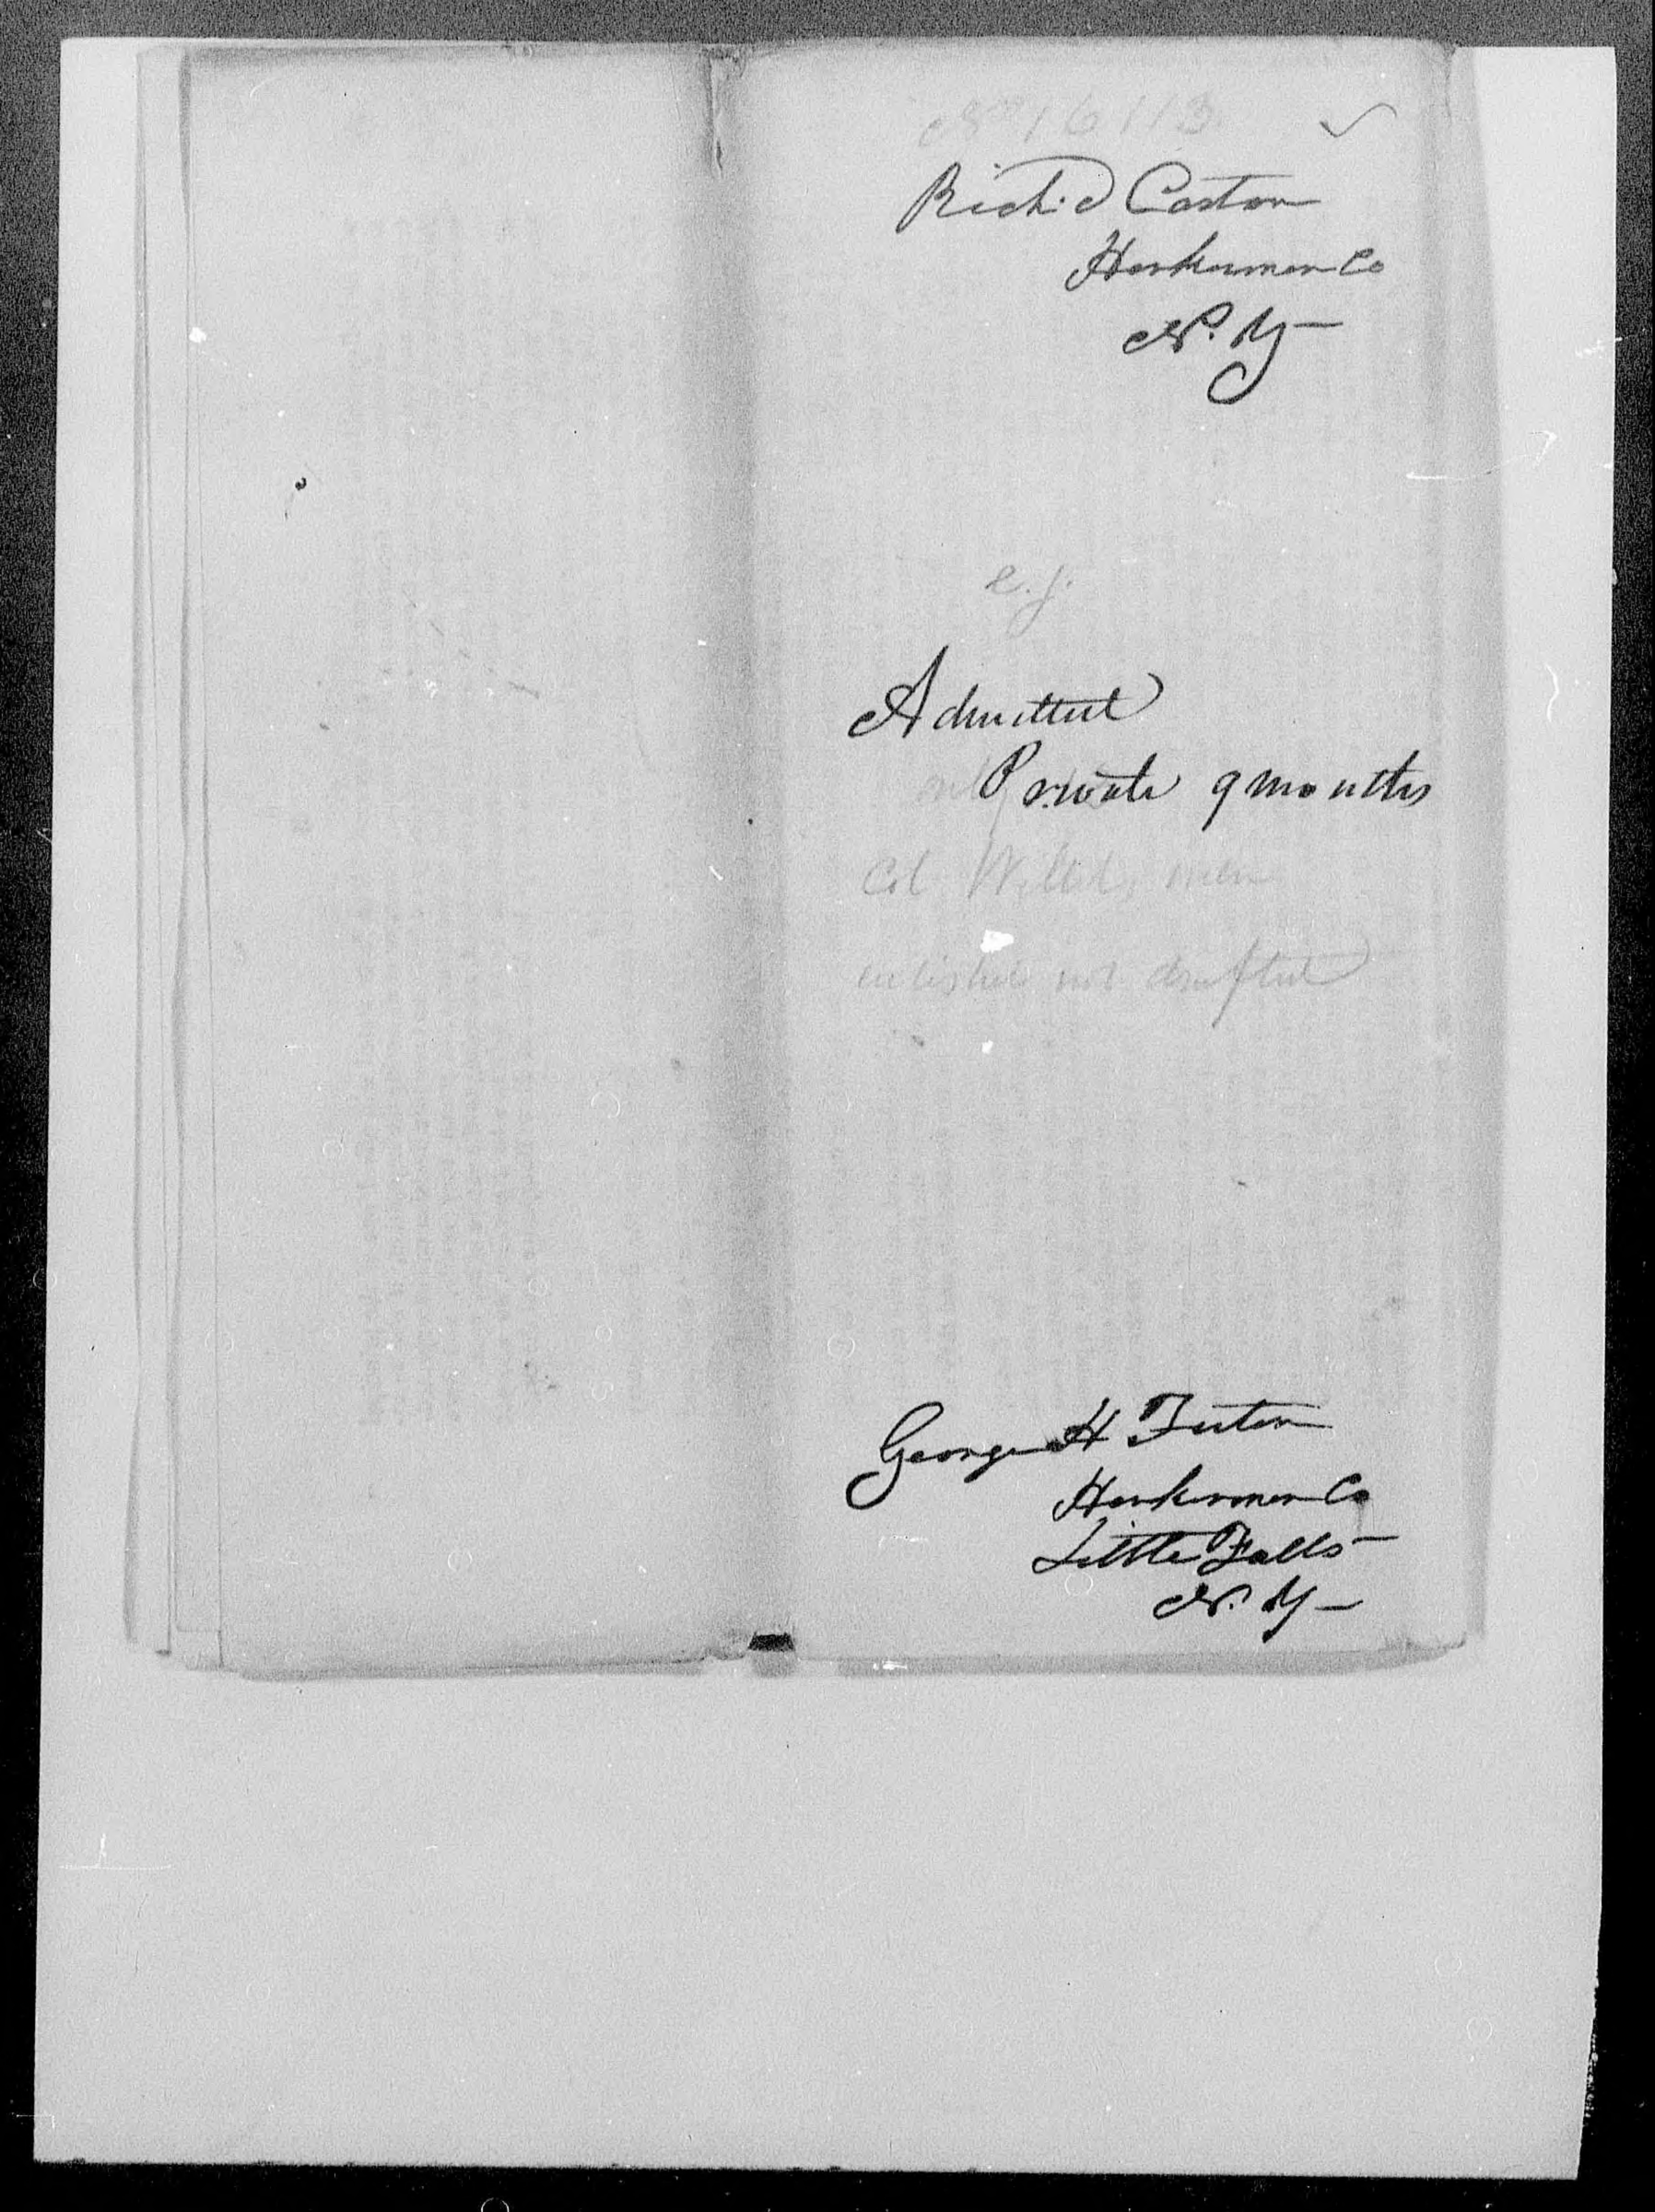No 16113.
Rich’d Caster [Casler]
Herkimer Co 
N.Y. 

e.j.

Admitted 
Private 9 months 

only Col Willet men enlisted not drafted 

George H Feeter 
Herkimer Co 
Little Falls 
N.Y.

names: George H Feeter, Richd Caston, Willet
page: 11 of 66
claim: widow's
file: W. 6637, Richard Caslar, New York